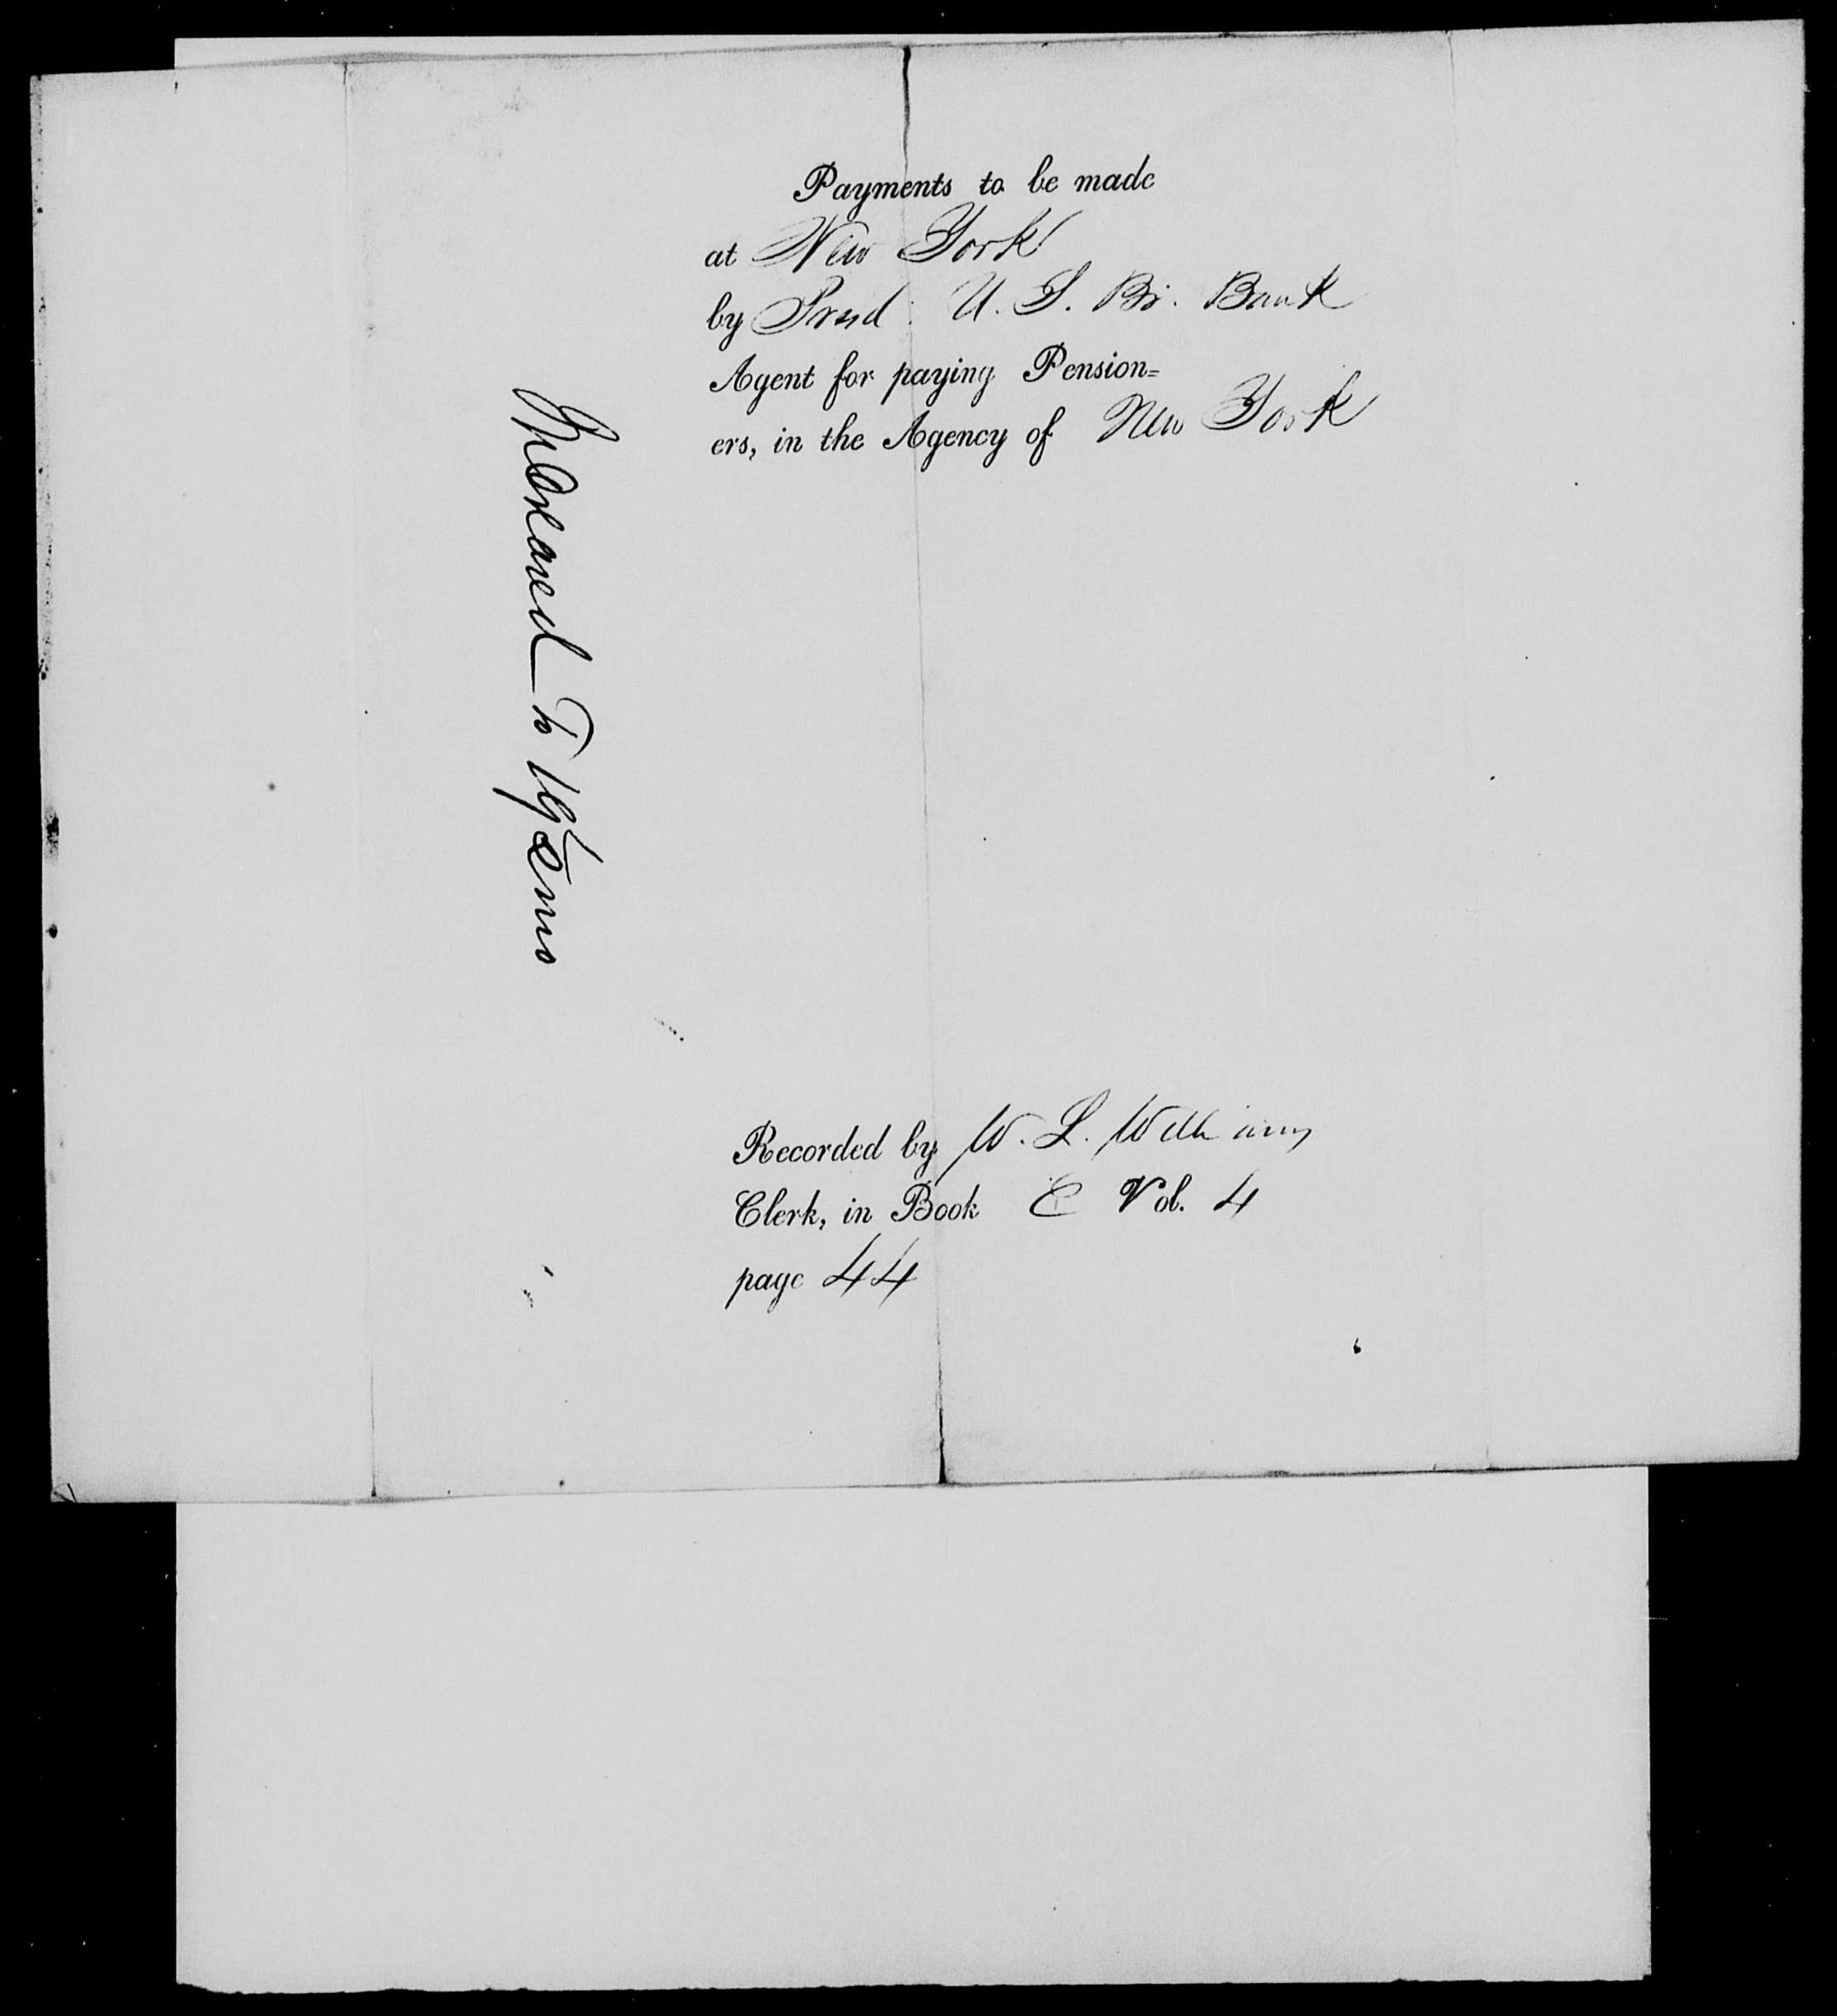Payments to be made
at New York
by Presd U.S. Br. Bank
Agent for paying Pension
ers in the Agency of New York
Recorded by W.L. Williams
Clerk, in Book E Vol. 4
page 44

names: W L Williams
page: 31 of 37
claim: widow's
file: W. 20,787, Daniel Brown, Conn. Navy.